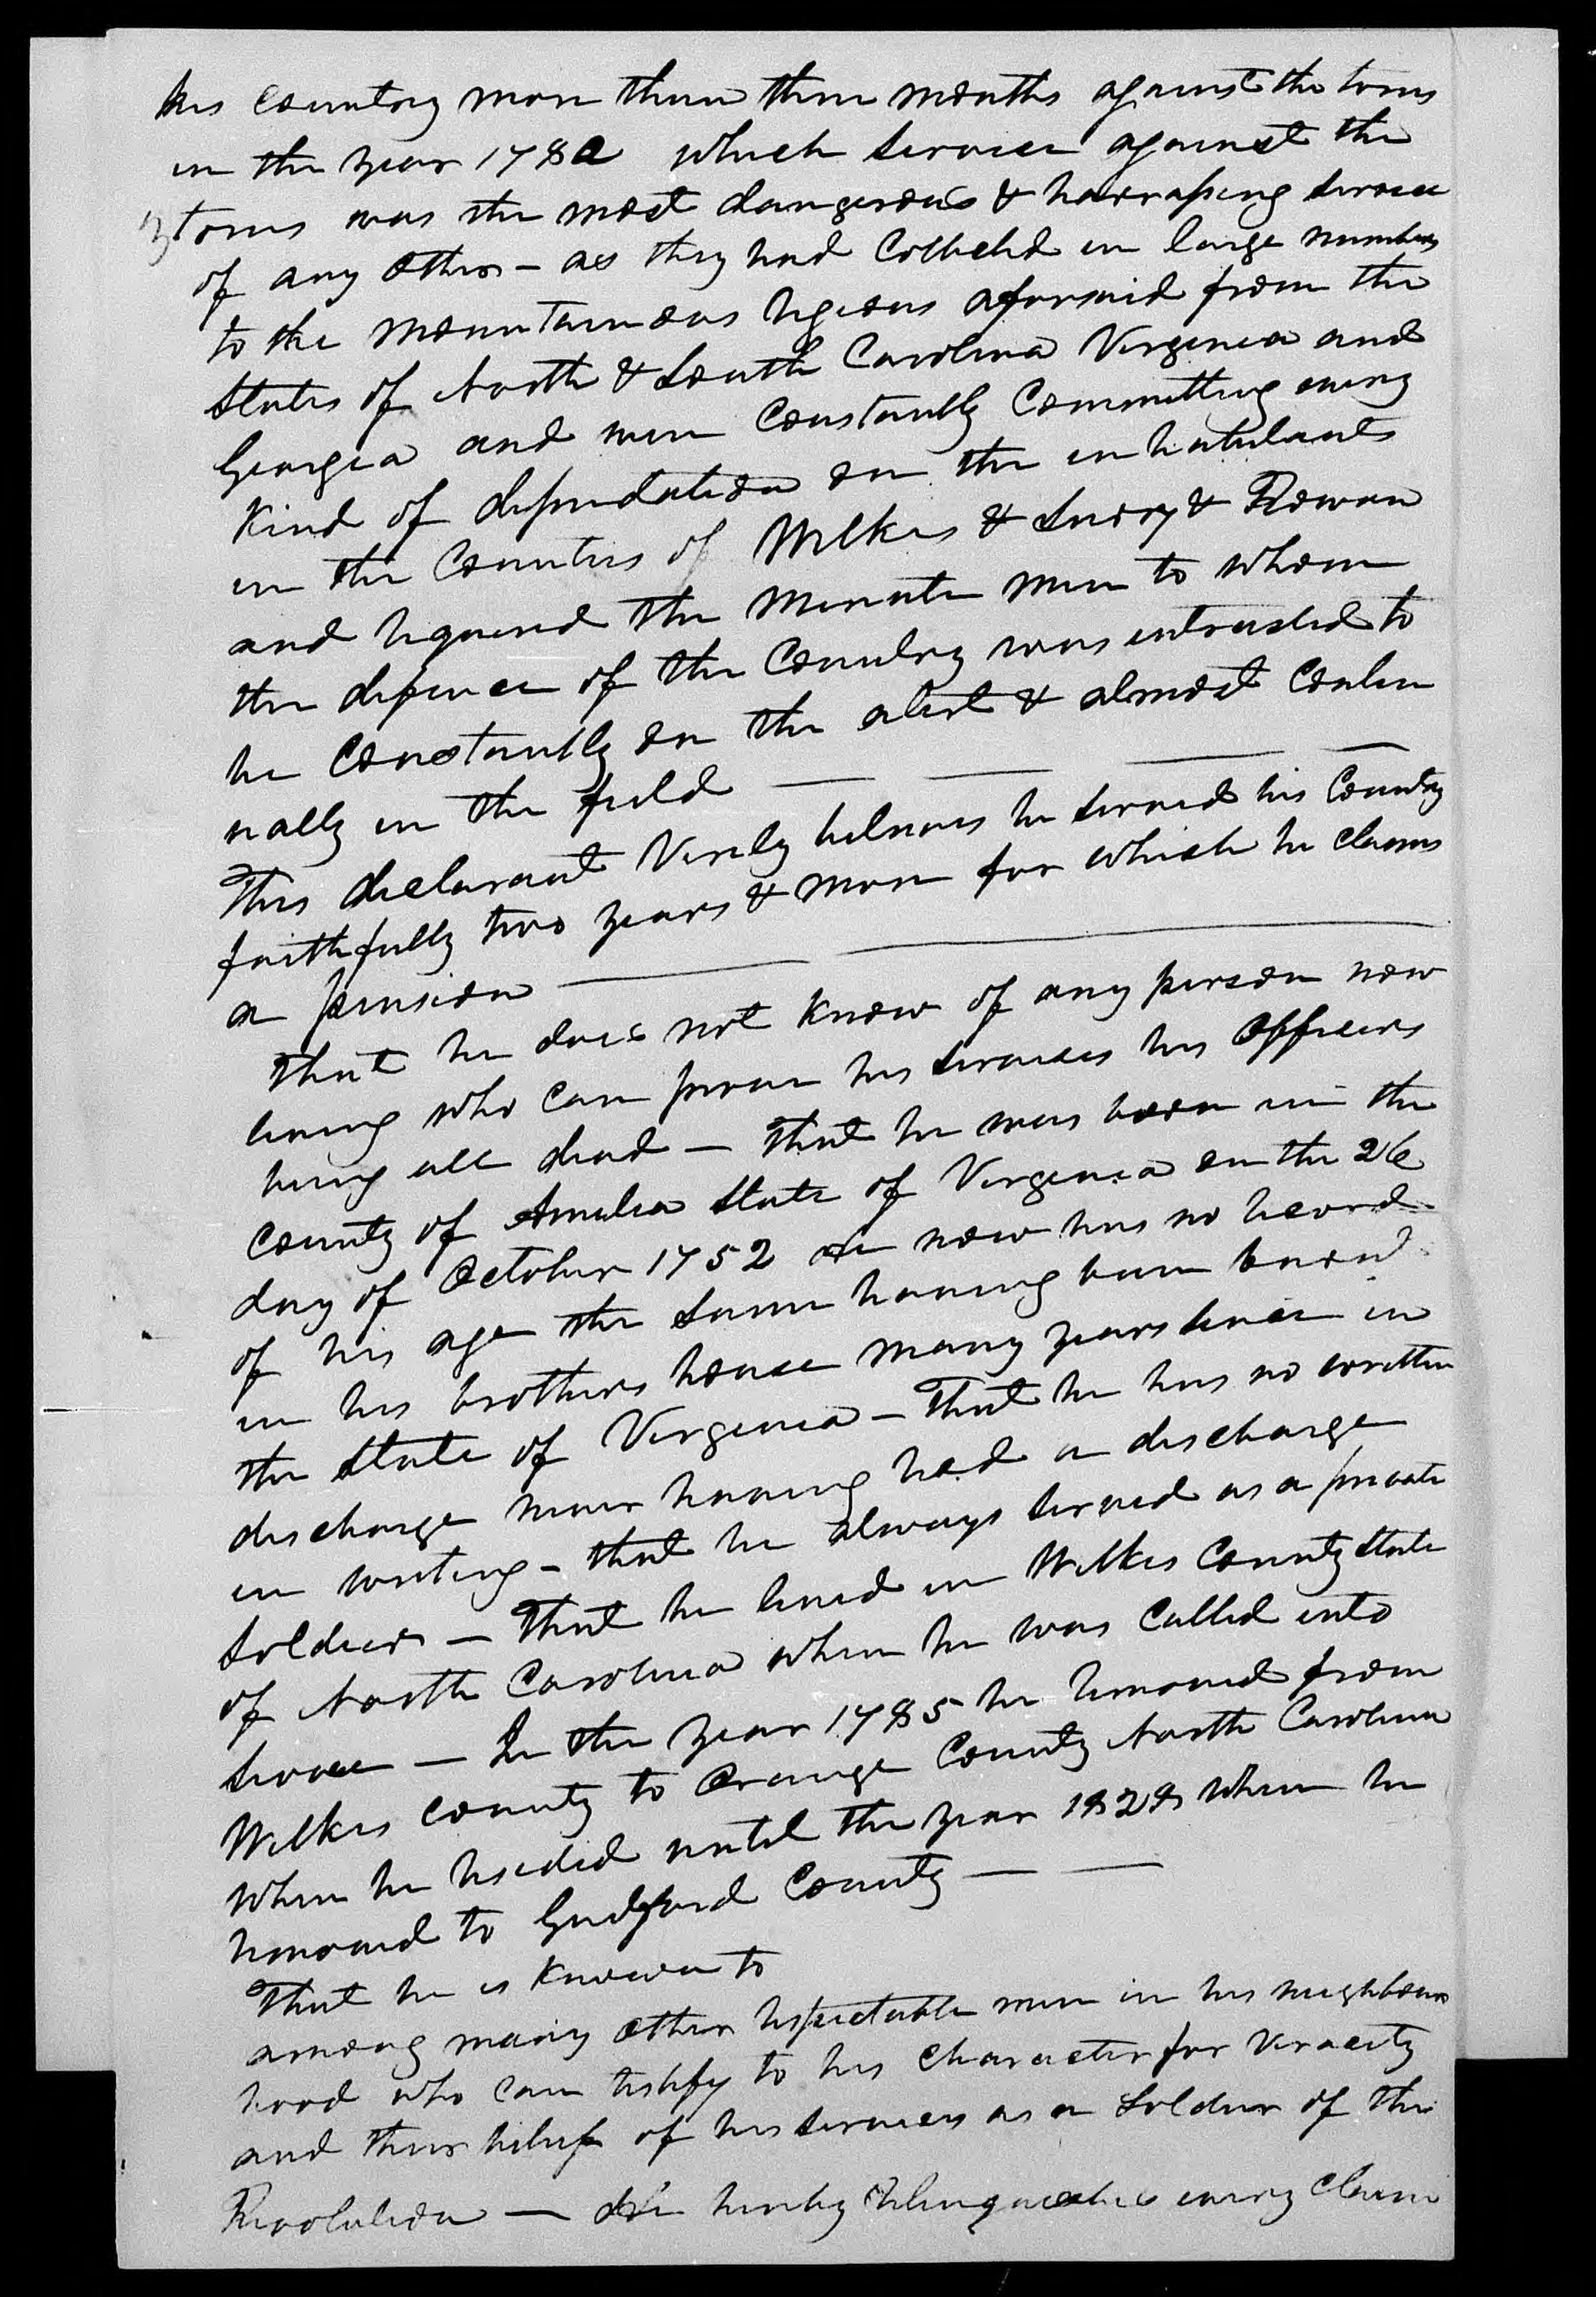his country more than three months against the torries in the year 1782 which service against the torries was the most dangerous & illegible service of any other - as they had collected in large numbers to the mountainous regions aforesaid from the states of North & South Carolina Virginia and Georgia 
constantly committing many kind of illegible on the inhabitants in the counties of Wilkes & Surry & Rowan and required the minute men
to whom the defence of the country was entrusted to he constantly on the illegible & almost continually in the field ----
This declarant verily believes he served his country faithfully two years & more for which he claims a pension ------------
That he does not know of any person now
living who can prove his service his officers
being all dead-- that he was born in the
County of Amelia State of Virginia on the 26
day of October 1752 at now has no record of
his age the same having been born in his brothers house many years prior in
the State of Virginia - that he has no written
discharge nor having had a discharge
in writing that he always served as a private
Soldier - that he lived in Wilkes County State of
North Carolina when he was called into service - In the year 1785 in Ammond from
Wilkes County to Orange County North Carolina where he resided until the year 1828 when he illegible to Gilford County --
that he is known to among many other respectable men in his neighbourhood who can testify to his character for veracity
and illegible of his services as a soldier of the
Revolution - he hereby relinquishes every claim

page: 8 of 18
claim: survivor's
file: S. 8,994, for Philip Mason, North Carolina